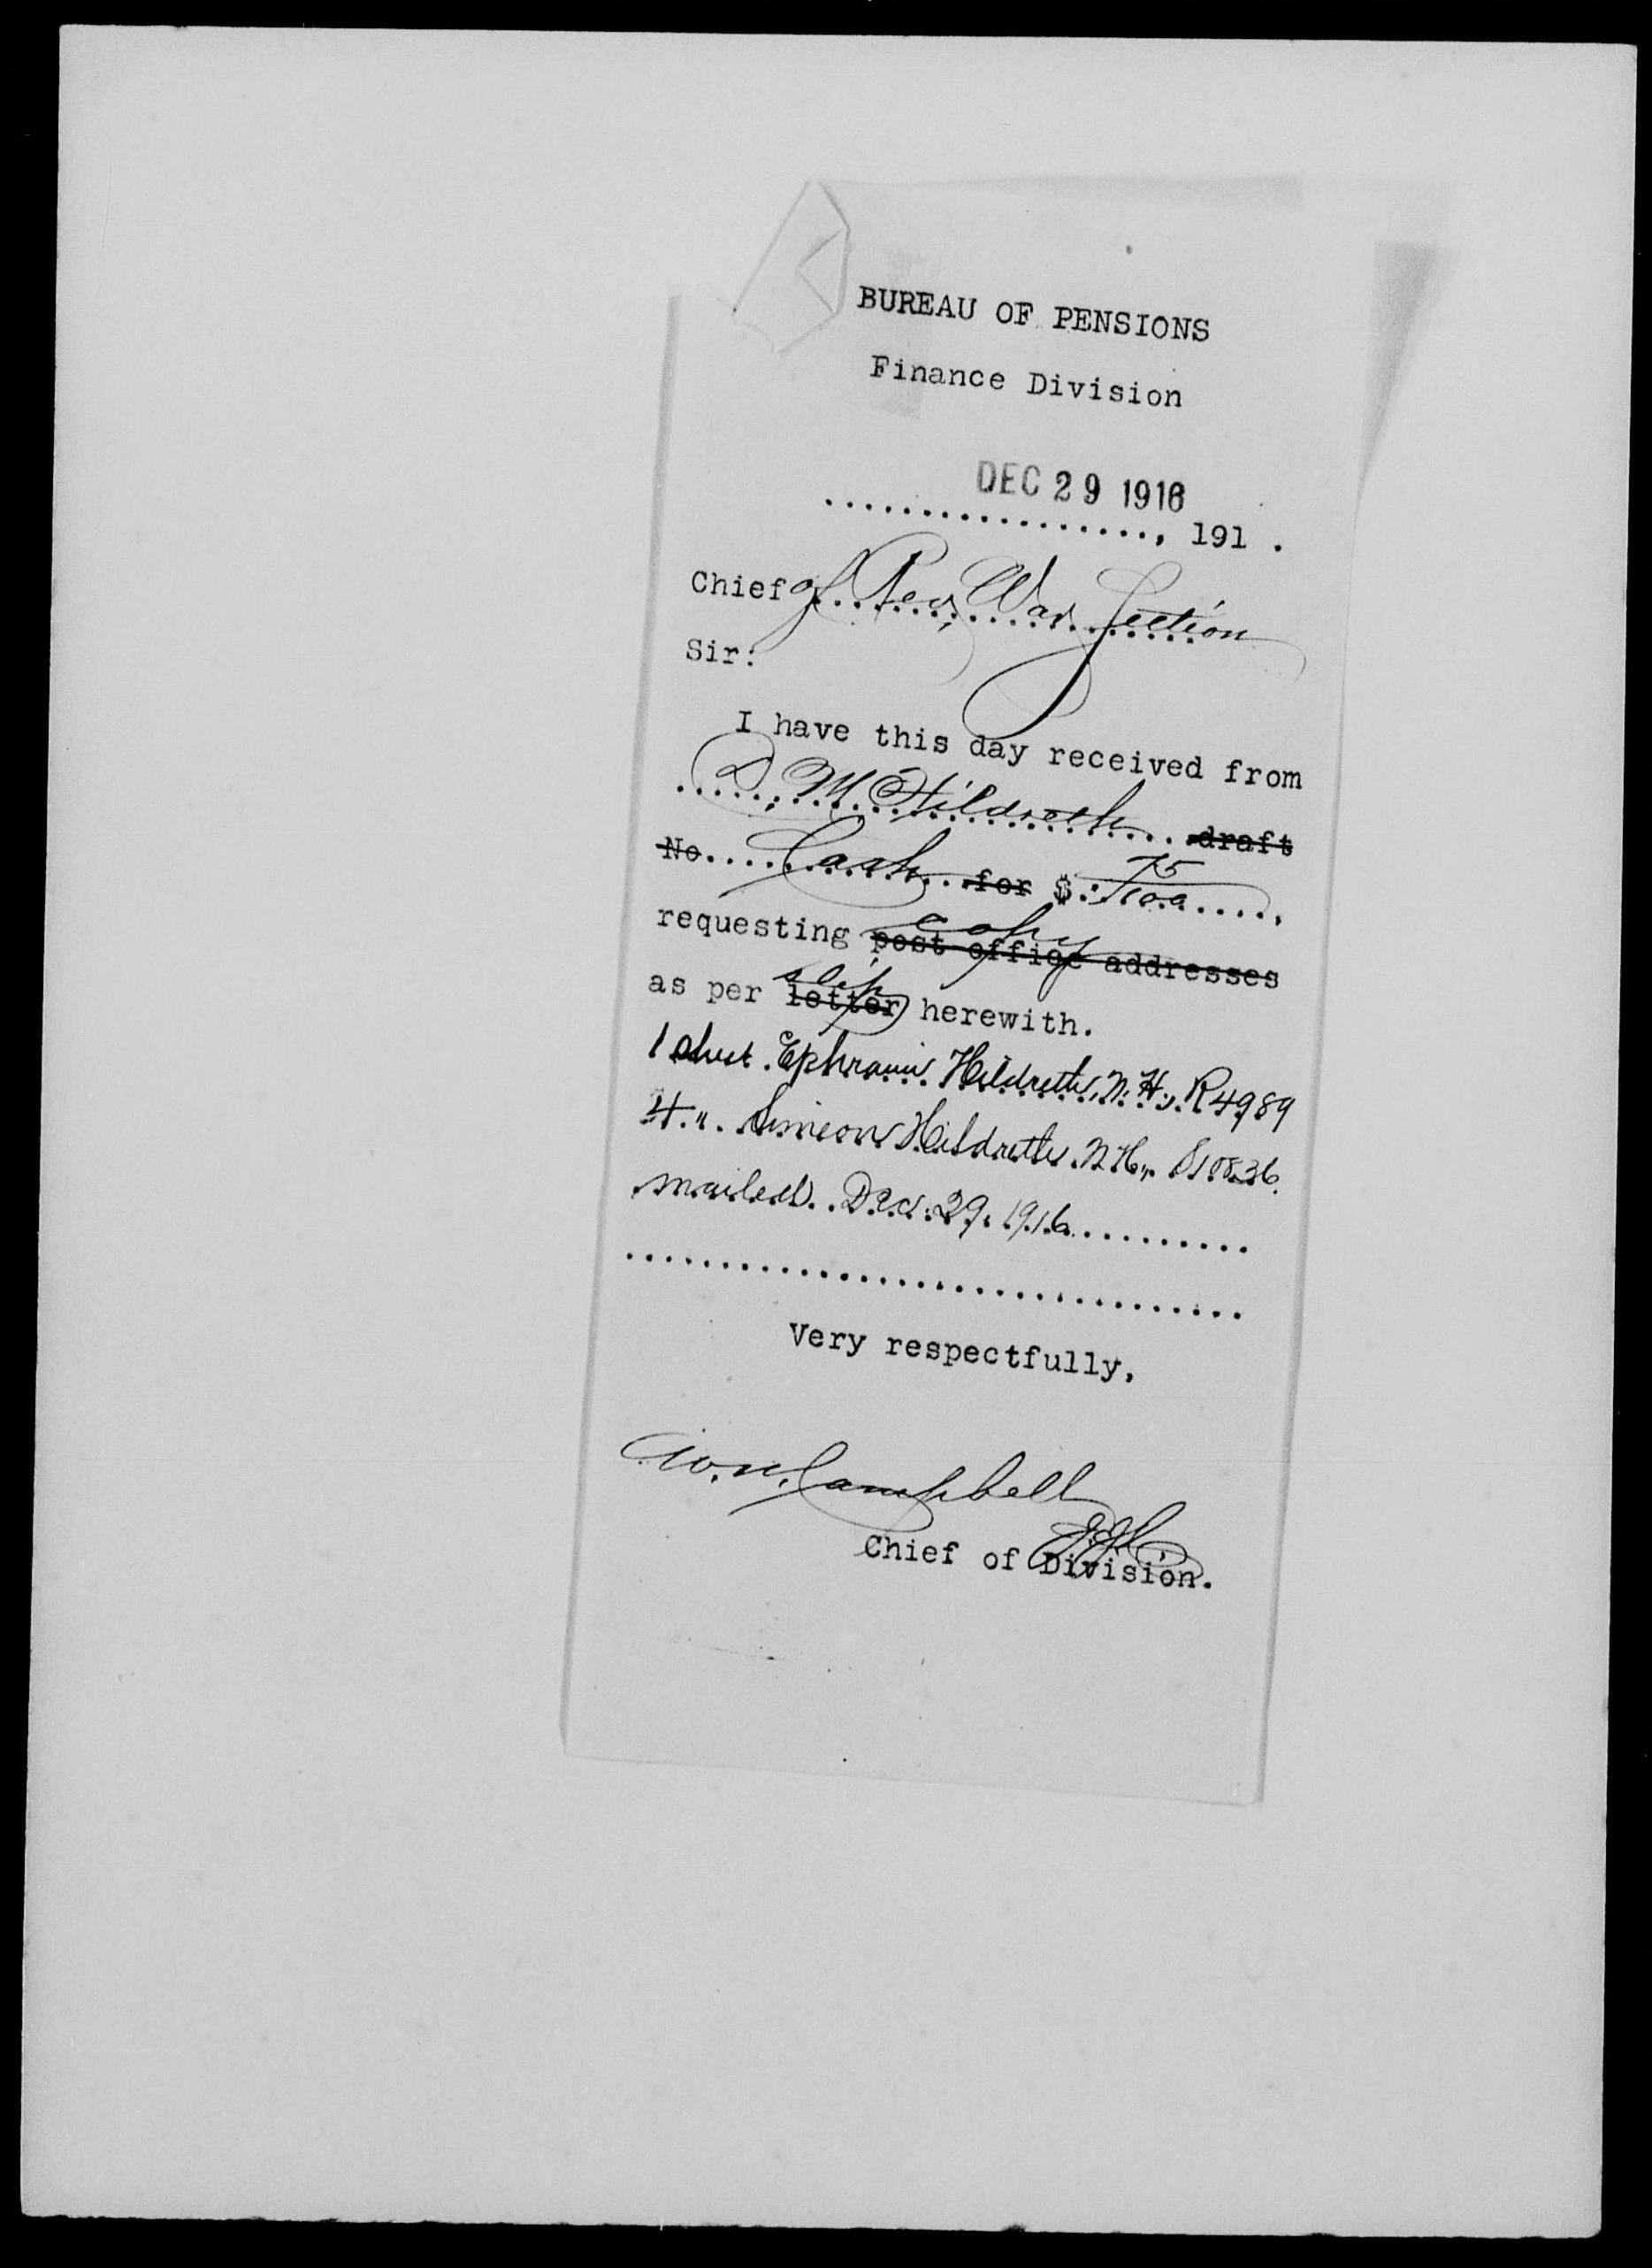BUREAU OF PENSIONS
Finance Division
DEC 29 1916
191.
Chief of Rev(olutionary) War Section

Sir:
I have this day received from
D. M. Hildreth (lined out draft)
(lined out No(number) Cash for 75/100
requesting copy (lined out post office addresses as per slip (lined out letter) herewith 

1 sheet Ephraim Hildreth, N.H. R4989
+ Simeon Hildreth N.H. 10836
mailed Dec. 29, 1916

Very respectfully,
(signed)  W. N. Campbell (by) J. J. C. 
Chief of Division.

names: W N Campbell, D M Hildreth, Ephraim Hildreth, Simeon Hildreth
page: 8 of 17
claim: rejected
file: R. 4989, Ephraim Hildreth, N.H.